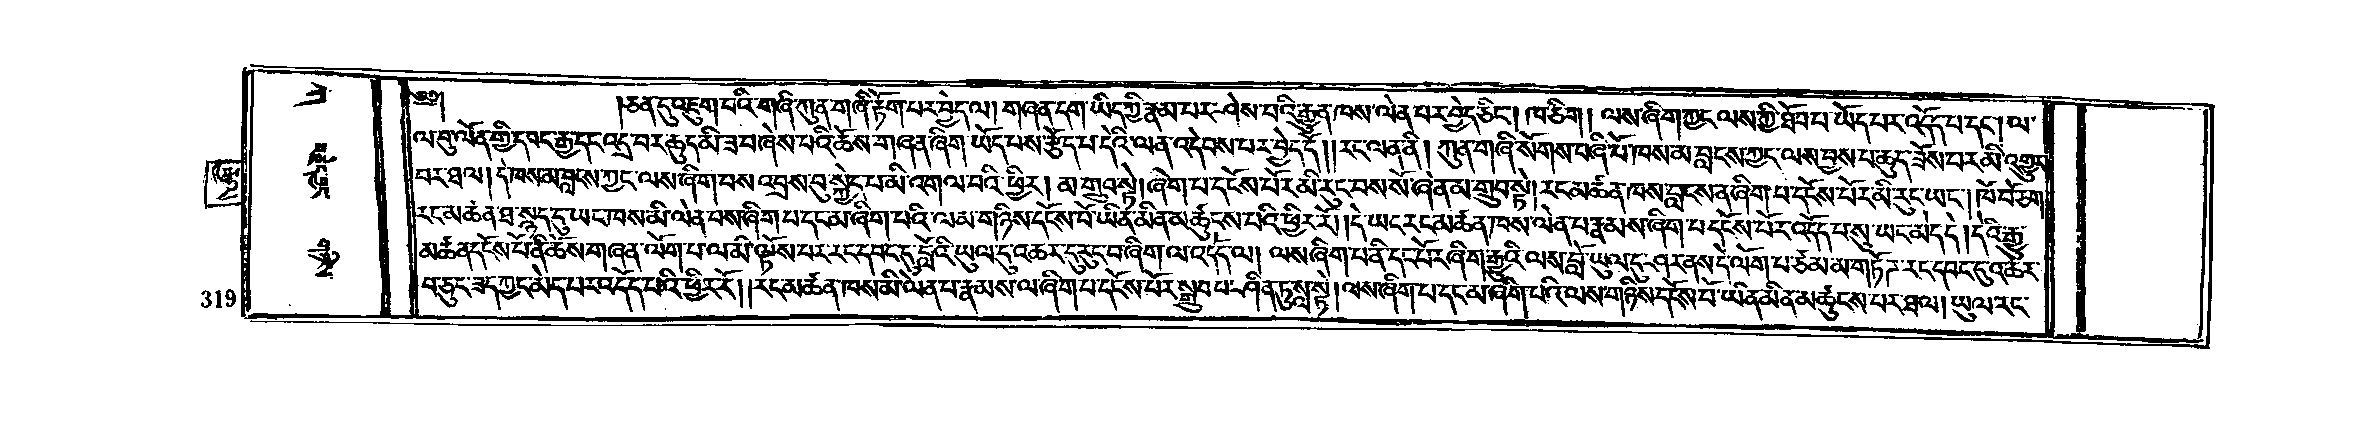༄༅། །ཅན་དུ་འཇུག་པའི་གཞི་ཀུན་གཞི་རྟོག་པར་བྱེད་ལ། གཞན་དག་ཡིད་ཀྱི་རྣམ་པར་ཤེས་པའི་རྒྱུན་ཁས་ལེན་པར་བྱེད་ཅིང་། ཁ་ཅིག །ལས་ཞིག་ཀྱང་ལས་ཀྱི་ཐོབ་པ་ཡོད་པར་འདོད་པ་དང་། ལ་
ལ་བུ་ལོན་གྱི་དབང་རྒྱ་དང་འདྲ་བར་ཆུད་མི་ཟ་བ་ཞེས་པའི་ཆོས་གཞན་ཞིག་ཡོད་པས་རྩོད་པ་དེའི་ལན་འདེབས་པར་བྱེད་དོ། །རང་ལན་ནི། ཀུན་གཞི་སོགས་བཞི་པོ་ཁས་མ་བླངས་ཀྱང་ལས་བྱས་པ་ཆུད་ཟོས་པར་མི་འགྱུར་
བར་ཐལ། དེ་ཁས་མ་བླངས་ཀྱང་ལས་ཞིག་པས་འབྲས་བུ་སྐྱེད་པ་མི་འགལ་བའི་ཕྱིར། མ་གྲུབ་སྟེ། ཞིག་པ་དངོས་པོར་མི་རུང་བས་སོ་ཞེ་ན་མ་གྲུབ་སྟེ། རང་མཚན་ཁས་བླངས་ན་ཞིག་པ་དངོས་པོར་མི་རུང་ཡང་། ཁོ་བོ་ཅག་
རང་མཚན་ཐ་སྙད་དུ་ཡང་ཁས་མི་ལེན་པས་ཞིག་པ་དང་མ་ཞིག་པའི་ལམ་གཉིས་དངོས་པོ་ཡིན་མིན་མཚུངས་པའི་ཕྱིར་རོ། །དེ་ཡང་རང་མཚན་ཁས་ལེན་པ་རྣམས་ཞིག་པ་དངོས་པོར་འདོད་པ་སུ་ཡང་མེད་དེ། དེའི་རྒྱུ་
མཚན་དངོས་པོ་ནི་ཆོས་གཞན་ལོག་པ་ལ་མི་ལྟོས་པར་རང་དབང་དུ་བློའི་ཡུལ་དུ་འཆར་དུ་རུང་བ་ཞིག་ལ་འདོད་ལ། ལས་ཞིག་པ་ནི་དང་པོར་ཞིག་རྒྱུའི་ལས་བློ་ཡུལ་དུ་ཤར་ནས་དེ་ལོག་པ་ཙམ་མ་གཏོགས་རང་དབང་དུ་འཚར་
བ་ཅུང་ཟད་ཀྱང་མེད་པར་འདོད་པའི་ཕྱིར་རོ། །རང་མཚན་ཁས་མི་ལེན་པ་རྣམས་ལ་ཞིག་པ་དངོས་པོར་སྒྲུབ་པ་ཤིན་ཏུ་སླ་སྟེ། ལས་ཞིག་པ་དང་མ་ཞིག་པའི་ལས་གཉིས་དངོས་པོ་ཡིན་མིན་མཚུངས་པར་ཐལ། ཡུལ་རང་